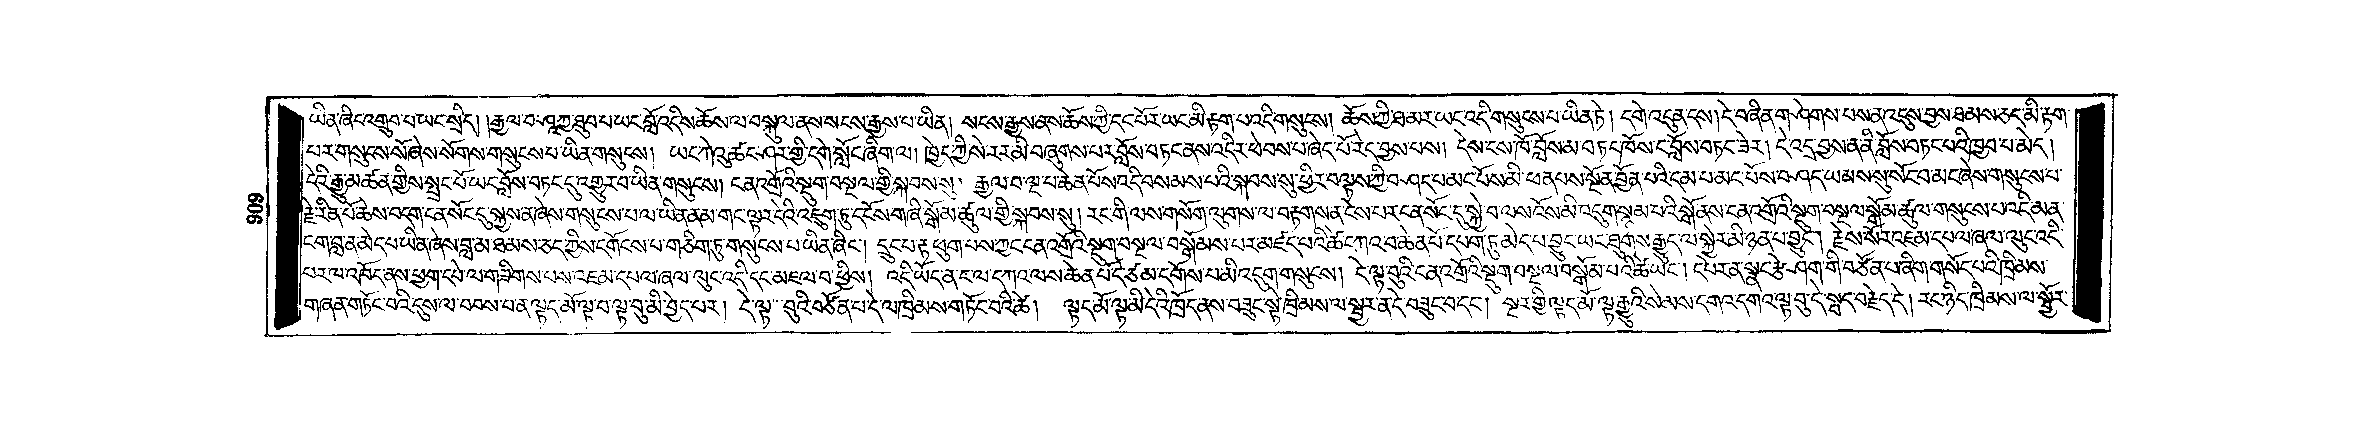ཡིན་ཞིང་འགྲུབ་པ་ཡང་སྲིད། །རྒྱལ་བ་ཤཱཀྱ་ཐུབ་པ་ཡང་བློ་འདིས་ཆོས་ལ་བསྐུལ་ནས་སངས་རྒྱས་པ་ཡིན། སངས་རྒྱས་ནས་ཆོས་ཀྱི་དང་པོར་ཡང་མི་རྟག་པ་འདི་གསུངས། ཆོས་ཀྱི་ཐ་མར་ཡང་འདི་གསུངས་པ་ཡིན་ཏེ། དགེ་འདུན་དས། དེ་བཞིན་གཤེགས་པས་ན་འདུས་བྱས་ཐམས་ཅད་མི་རྟག་
པར་གསུངས་སོ་ཞེས་སོགས་གསུངས་པ་ཡིན་གསུངས། ཡང་ཀེའུ་ཚང་ཤར་གྱི་དགེ་སློང་ཞིག་ལ། ཁྱེད་ཀྱི་སེ་རར་མི་བཞུགས་པར་བློས་བཏང་ནས་འདིར་ཕེབས་པ་ཞེད་པོ་རེད་བྱས་པས། དེས་ངས་ཁོ་བློས་མ་བཏང་ཁོས་ང་བློས་བཏང་ཟེར། དེ་འདྲ་བྱས་ན་ནི་བློས་བཏང་པའི་ཁྱབ་པ་མེད།
དེའི་རྒྱུ་མཚན་གྱིས་སྤྲང་པོ་ཡང་བློས་བཏང་དུ་འགྱུར་བ་ཡིན་གསུངས། ངན་འགྲོའི་སྡུག་བསྔལ་གྱི་སྐབས་སུ། རྒྱལ་བ་ལྔ་པ་ཆེན་པོས་འདི་བསམས་པའི་སྐབས་སུ་ཕྱིར་བལྟས་ཀྱི་བཤད་པ་མང་པོས་མི་ཕན་པས་སྔོན་བྱོན་པའི་དམ་པ་མང་པོས་བཤད་ཡམས་སུ་སོང་བ་མང་ཞེས་གསུངས་པ་
རྗེ་རིན་པོ་ཆེས་བདག་ངན་སོང་དུ་སྐྱས་ན་ཞེས་གསུངས་པ་ལ་ཡིན་ནམ་གང་ལྟར་དེའི་འཇུག་ཏུ་དངོས་གཞི་སྒོམ་ཚུལ་གྱི་སྐབས་སུ། རང་གི་ལས་གསོག་ལུགས་ལ་བརྟགས་ན་ངེས་པར་ངན་སོང་དུ་སྐྱེ་བ་ལས་འོས་མི་འདུག་སྙམ་པའི་སྒོ་ནས་ངན་འགྲོའི་སྡུག་བསྔལ་སྒོམ་ཚུལ་གསུངས་པ་འདི་མན་
ངག་བླ་ན་མེད་པ་ཡིན་ཞེས་བླ་མ་ཐམས་ཅད་ཀྱིས་དགོངས་པ་གཅིག་ཏུ་གསུངས་པ་ཡིན་ཞིང་། དྲུང་པ་རྟ་ཕུག་པས་ཀྱང་ངན་འགྲོའི་སྡུག་བསྔལ་བསྒོམས་པར་མཛད་པའི་ཚེ་དཀའ་བ་ཆེན་པོ་དཔག་ཏུ་མེད་པ་བྱུང་ཡང་ཐུགས་རྒྱུད་ལ་སྐྱེར་མི་ཉན་པ་བྱུང་། རྗེས་སོར་འཇམ་དཔལ་ཞལ་ལུང་འདི་
པར་ལ་འཁོད་ནས་ཕྱག་དཔེ་ལ་གཟིགས་པས་འཇམ་དཔལ་ཞལ་ལུང་འདི་དང་མཇལ་བ་ཕྱིས། འདི་ཡོད་ན་ང་ལ་དཀའ་ལས་ཆེན་པོ་དེ་ཙམ་དགོས་པ་མི་འདུག་གསུངས། དེ་ལྟ་བུའི་ངན་འགྲོའི་སྡུག་བསྔལ་བསྒོམ་པའི་ཚེ་ཡང་། དཔེར་ན་སྣང་རྩེ་ཤག་གི་བཙོན་པ་ཞིག་གསོད་པའི་ཁྲིམས་
གཞན་གཏོང་བའི་དུས་ལ་བབས་པ་ན་ལྟད་མོ་ལྟ་བ་ལྟ་བུ་མི་བྱེད་པར། དེ་ལྟ་བུའི་བཙོན་པ་དེ་ལ་ཁྲིམས་གཏོང་བའི་ཚེ། ལྟད་མོ་ལྟ་མི་དེའི་ཁྲོད་ནས་བཟུང་སྟེ་ཁྲིམས་ལ་སྦྱར་ན་དེ་བཟུང་བ་དང་། སྔར་གྱི་ལྟད་མོ་ལྟ་རྒྱུའི་སེམས་དགའ་དགའ་ལྟ་བུ་དེ་སྦད་བརྗེད་དེ། རང་ཉིད་ཁྲིམས་ལ་སྦྱོར་